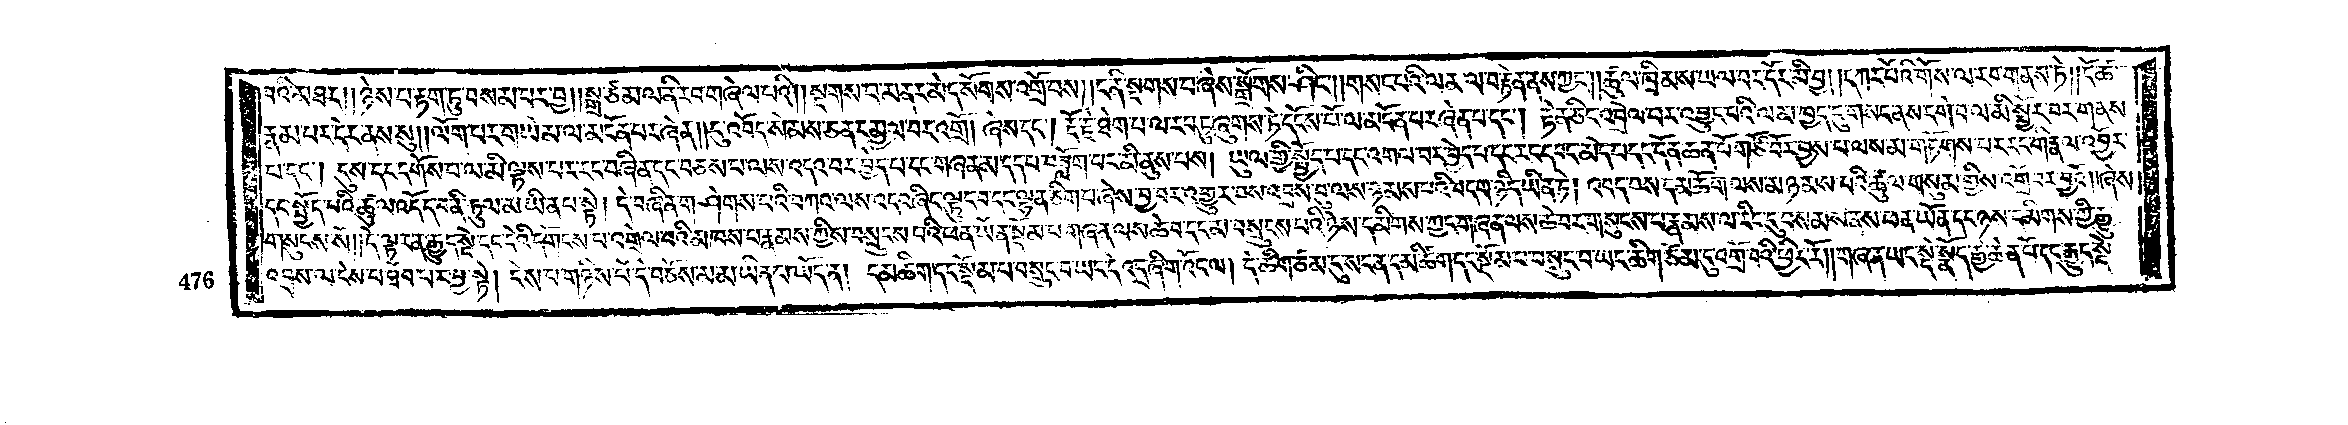བའི་མཐར། །ཉེས་པ་རྟག་ཏུ་བསམ་པར་བྱ། །སྒྲ་ཙམ་ལ་ནི་རབ་གཞེལ་པའི། །སྔགས་པ་མནར་མེད་སོགས་འགྲོ་བས། །ང་ནི་སྔགས་པ་ཞེས་སྒྲོགས་ཤིང་། །གསང་པའི་ལན་ལ་བརྟེན་ནས་ཀྱང་། །ཚུལ་ཁྲིམས་ཡལ་བར་དོར་མི་བྱ། །དཀར་པོའི་གོས་ལ་རབ་གནས་ཏེ། །ངོ་ཚ་
རྣམ་པར་དེར་ནས་སུ། །ལོག་པར་གཡེམ་ལ་མངོན་པར་ཞེན། །དུ་འབོད་སེམས་ཅན་དམྱལ་བར་འགྲོ། ཞེས་དང་། རྡོ་རྗེ་ཐེག་པ་ལ་རབ་ཏུ་ཞུགས་ཏེ་དངོས་པོ་ལ་མངོན་པར་ཞེན་པ་དང་། རྟེན་ཅིང་འབྲེལ་པར་འབྱུང་པའི་ལམ་ཁྱད་དུ་གསང་ནས་དགེ་བ་ལ་མི་སྦྱོར་བར་གནས་
པ་དང་། དུས་དང་དགོས་པ་ལ་མི་ལྟས་པར་རང་བཞིན་དང་བཅས་པ་ལས་འདའ་བར་བྱེད་པ་དང་གཞན་མ་དད་པ་བཟློག་པར་མི་ནུས་པས། ཡུལ་གྱི་སྤྱོད་པ་དང་འགལ་བར་བྱེད་པ་དང་རང་དབང་མེད་པ་དང་དོན་ཆེན་པོ་གཙོ་བོར་བྱས་པ་ལས་མ་གཏོགས་པར་རང་གི་རྣལ་འབྱོར་
དང་སྤྱོད་པའི་ཚུལ་འདོད་པ་ནི་ཏུལ་མ་ཡིན་པ་སྟེ། དེ་བཞིན་གཤེགས་པའི་བཀའ་ལས་འདའ་ཞིང་ལྟུང་བ་དང་ལྷན་ཅིག་པ་ཞེས་བྱ་བར་འགྱུར་བས་འབྲས་བུ་ལས་ཉམས་པའི་བདག་ཉིད་ཡིན་ཏེ། འབད་བས་དམ་ཆོག་ལས་མཉམས་པའི་ཚུལ་གསུམ་གྱིས་འགྲོ་བར་བྱའོ། །ཞེས་
གསུངས་སོ། །དེ་ལྟར་ན་རྒྱུད་སྡེ་དང་དེའི་དགོངས་པ་འགྲེལ་བའི་མཁས་པ་རྣམས་ཀྱིས་བསྲུངས་པའི་ཕན་ཡོན་སྡོམ་པ་གཞན་ལས་ཆེ་བ་དང་མ་བསྲུངས་པའི་ཉེས་དམིགས་ཀྱང་གཞན་ལས་ཆེ་བར་གསུངས་པ་རྣམས་ལ་རིང་དུ་བསམས་ནས་ཕན་ཡོན་དང་ཉས་དམིགས་ཀྱི་རྒྱུ་
འབྲས་ལ་ངེས་པ་ཐོབ་པར་བྱ་སྟེ། ངེས་པ་གཉིས་པོ་དེ་བཅོས་མ་མ་ཡིན་པ་ཡོད་ན། དམ་ཚིག་དང་སྡོམ་པ་བསྲུང་བ་ཡང་དེ་འདྲ་ཞིག་འོང་ལ། དེ་ཚིག་ཙམ་དུ་སང་ན་དམ་ཚིག་དང་སྡོམ་པ་བསྲུང་བ་ཡང་ཚིག་ཙམ་དུ་འགྲོ་བའི་ཕྱིར་རོ། །གཞན་ཡང་སྡེ་སྣོད་རྒྱ་ཆེན་པོ་དང་རྒྱུད་སྡེ་